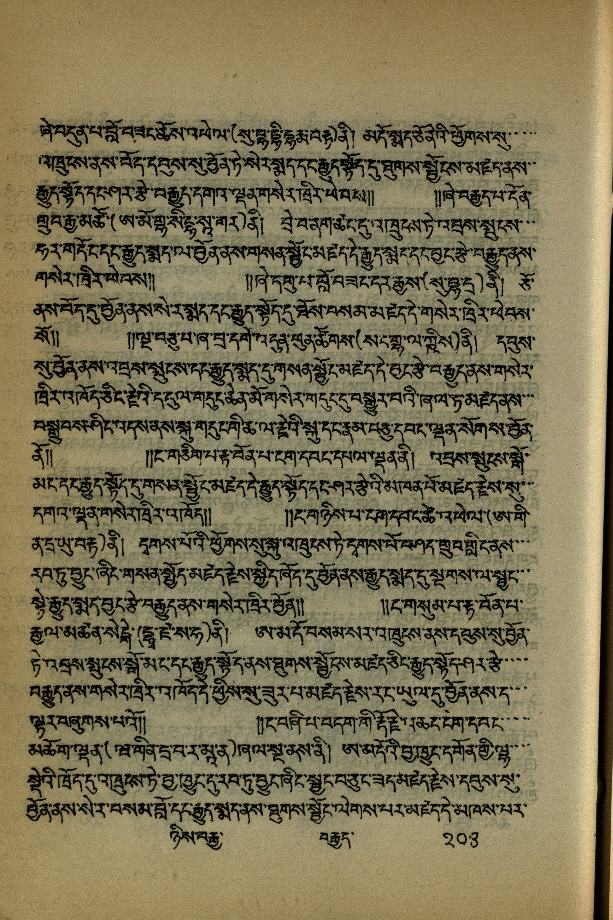ཞེ་བདུན་པ་བློ་བཟང་ཆོས་འཕེལ་སུ་བྷ་དྷི་དྷརྨ་བརྟ་ནི། མདོ་སྨད་ཅོ་ནེའི་ཕྱོགས་སུ་
འཁྲུངས་ནས་བོད་དབུས་སུ་བྱོན་ཏེ་སེར་སྨད་དང་རྒྱུད་སྟོད་དུ་ཐུགས་སྦྱོངས་མཛད་ནས་
རྒྱུད་སྟོད་དང་ཤར་རྩེ་བརྒྱུད་དགའ་ལྡན་གསེར་ཁྲིར་ཕེབས།། །།ཞེ་བརྒྱད་པ་དོན་
གྲུབ་རྒྱ་མཚོ་ཨ་མོ་གྷ་སི་དྷ་སཱ་གར་ནི། བྲེ་བ་ནག་ཚང་དུ་འཁྲུངས་ཏེ་འབྲས་སྤུངས་
ཧར་གདོང་དང་རྒྱུད་སྨད་ལ་བྱོན་ནས་གསན་སྦྱོང་མཛད་དེ་རྒྱུད་སྨད་དང་བྱང་རྩེ་བརྒྱུད་ནས་
གསེར་ཁྲིར་ཕེབས།། །།ཞེ་དགུ་པ་བློ་བཟང་དར་རྒྱསསུ་བྷ་དྲ་ནི། ཅོ་
ནས་བོད་དུ་བྱོན་ནས་སེ་ར་སྨད་དང་རྒྱུད་སྟོད་དུ་ཐོས་བསམ་མཛད་དེ་གསེར་ཁྲིར་ཕེབས་
སོ།། །།ལྔ་བཅུ་པ་ཞ་བྲ་དགེ་འདུན་ཕུན་ཚོགས་སང་གྷ་ལ་ཀྵིས་ནི། དབུས་
སུ་བྱོན་ནས་འབྲས་སྤུངས་དང་རྒྱུད་སྨད་དུ་གསན་སྦྱོང་མཛད་དེ་བྱང་རྩེ་བརྒྱུད་ནས་གསེར་
ཁྲིར་འཁོད་ཅིང་རྗེའི་དངུལ་གདུང་ཆེན་མོ་གསེར་གདུང་དུ་བསྒྱུར་བའི་ཞལ་ཏ་མཛད་ནས་
བསྒྲུབས་ཤིང་འདས་ནས་སྐུ་གདུང་གི་ཆ་ལ་རྗེའི་སྐུ་དང་རྣམ་བཅུ་དབང་ལྡན་སོགས་བྱོན་
ནོ།། །།ང་གཅིག་པ་རྟ་བོན་པ་ངག་དབང་དཔལ་ལྡན་ནི། འབྲས་སྤུངས་སྒོ་
མང་དང་རྒྱུད་སྟོད་དུ་གསན་སྦྱོང་མཛད་དེ་རྒྱུད་སྟོད་དང་ཤར་རྩེའི་མཁན་པོ་མཛད་རྗེས་སུ་
དགའ་ལྡན་གསེར་ཁྲིར་འཁོད།། །།ང་གཉིས་པ་ངག་དབང་ཚེ་འཕེལ་ཨ་གི་
ན་དྲ་ཡུ་བརྟ་ནི། དྭགས་པོའི་ཕྱོགས་སུ་སྐུ་འཁྲུངས་ཏེ་དྭགས་པོ་བཤད་གྲུབ་གླིང་ནས་
རབ་ཏུ་བྱུང་ཞིང་གསན་སྤྱོད་མཛད་རྗེས་སྐྱིད་ཞོད་དུ་བྱོན་ནས་རྒྱུད་སྨད་དུ་སྔགས་ལ་སྦྱང་
སྟེ་རྒྱུད་སྨད་བྱང་རྩེ་བརྒྱུད་ནས་གསེར་ཁྲིར་བྱོན།། །།ང་གསུམ་པ་རྟ་བོན་པ་
རྒྱལ་མཚན་སེངྒེ་དྷྭ་ཛ་ས་ཧ་ནི་ཨ་མདོ་བསམ་སར་འཁྲུངས་ནས་དབུས་སུ་བྱོན་
ཏེ་འབྲས་སྤུངས་སྒོ་མང་དང་རྒྱུད་སྟོད་ནས་ཐུགས་སྦྱོངས་མཛད་ཅིང་རྒྱུད་སྟོད་ཤར་རྩེ་
བརྒྱུད་ནས་གསེར་ཁྲིར་འཁོད་དེ་ཕྱིས་སུ་ཟུར་པ་མཛད་རྗེས་རང་ཡུལ་དུ་བྱོན་ནས་ད་
ལྟར་བཞུགས་པའོ།། །།ང་བཞི་པ་བདག་གི་རྡོ་རྗེ་འཆང་ངག་དབང་
མཆོག་ལྡན་ཝ་གིན་དྲ་བ་ར་མཱ་ན་ཞལ་སྔ་ནས་ནི། ཨ་མདོའི་བྱ་ཁྱུང་དགོན་གྱི་ལྷ་
སྡེའི་ཁྲོད་དུ་འཁྲུངས་ཏེ་བྱ་ཁྱུང་དུ་རབ་ཏུ་བྱུང་ཞིང་སྦྱང་བ་ཅུང་ཟད་མཛད་རྗེས་དབུས་སུ་
བྱོན་ནས་སེ་ར་བསམ་བློ་དང་རྒྱུད་སྨད་ནས་ཐུགས་སྦྱོང་ལེགས་པར་མཛད་དེ་མཁས་པར་